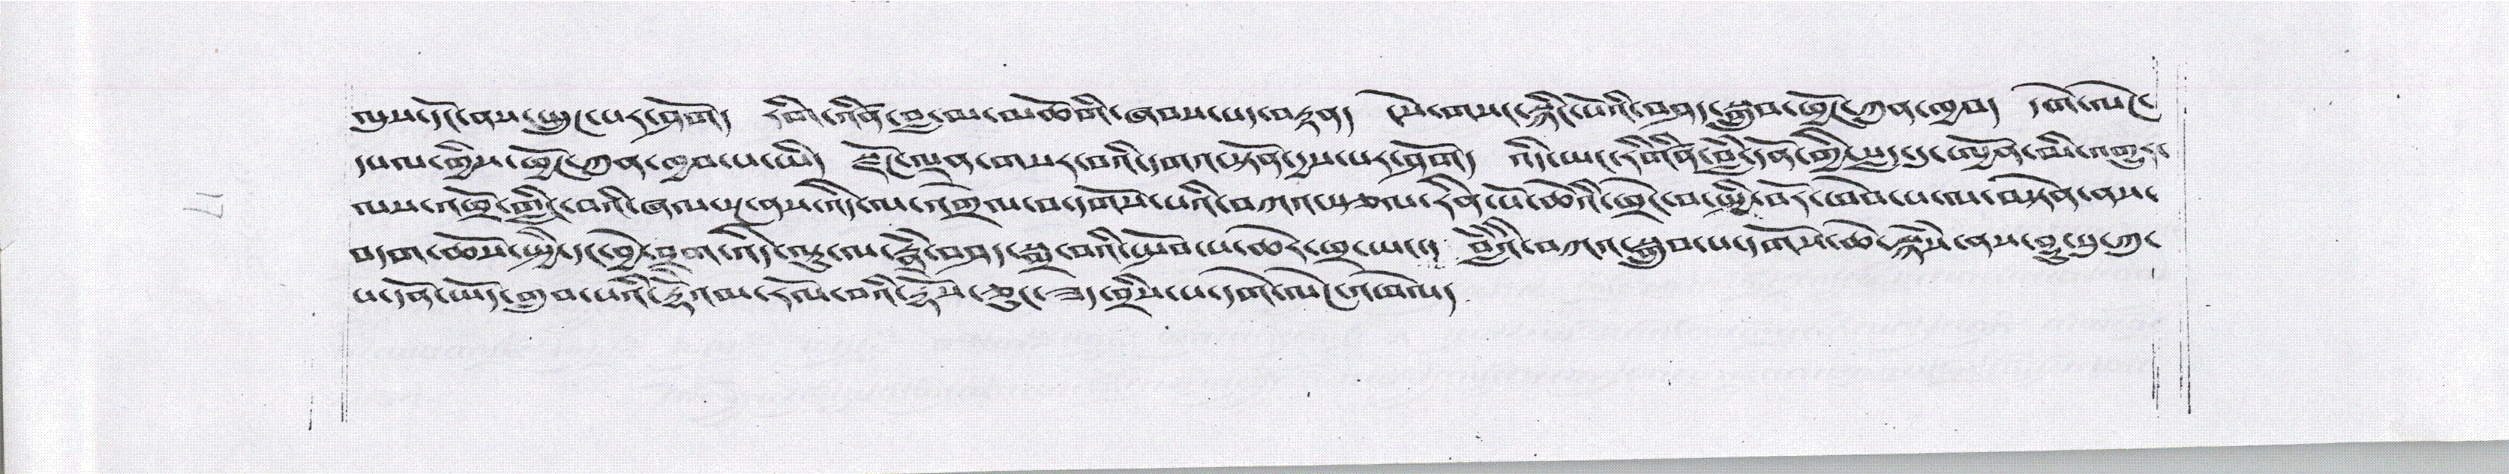ལུས་དོང་ནས་སྤྲུགས་པར་ཤོག རིག་འཛིན་བླ་མ་མཆོག་གི་ཞབས་པད་བརྟན། ངེས་གསང་སྙིང་པོའི་བཤད་སྒྲུབ་ཕྱོགས་ཀུན་ཁྱབ། དགེ་ལེགས་
དཔལ་གྱིས་ཕྱོགས་ཀུན་ཁྱབ་པ་ཡི། རྫོགས་ལྡན་གསར་པའི་དགའ་སྟོན་རྒྱས་པར་ཤོིག །འདི་ཡང་རིག་འཛིན་བླ་མ་དོན་གྱིས་སླད་དུ་ཨོ་རྒྱན་མི་འགྱུར་
ལས་འཕྲོ་གླིང་པའི་ཞལ་སྔ་ནས་འདི་ལ་འགྲེལ་བ་དགོས་པའི་བཀའ་སྩལ་རིན་པོ་ཆེའི་ཕྲེང་བ་སྤྱི་བོར་ཕེབས་པ་ལ་བརྟེན་ནས་
བདག་ཆོས་སྤྱི་དང་བྱེ་བྲག་འདི་ལྟ་བུ་ལ་རྣམ་བཤད་སྨྲ་བའི་སྤོབས་པ་ཆེར་ཕྲ་ཡང་། བླ་མའི་བཀའ་བསྒྲུབ་པ་དགོས་༼པ༽ཆེ་སྙམ་ནས་བྷུ་སུ་ཀུ་
པ་དོན་ཡོད་གྲུབ་པའི་རྡོ་རྗེའམ་རོལ་པའི་རྡོ་རྗེས་ཅུང་ཟད་བྲིས་པ་དགེ་ལེགས་འཕེལ། །